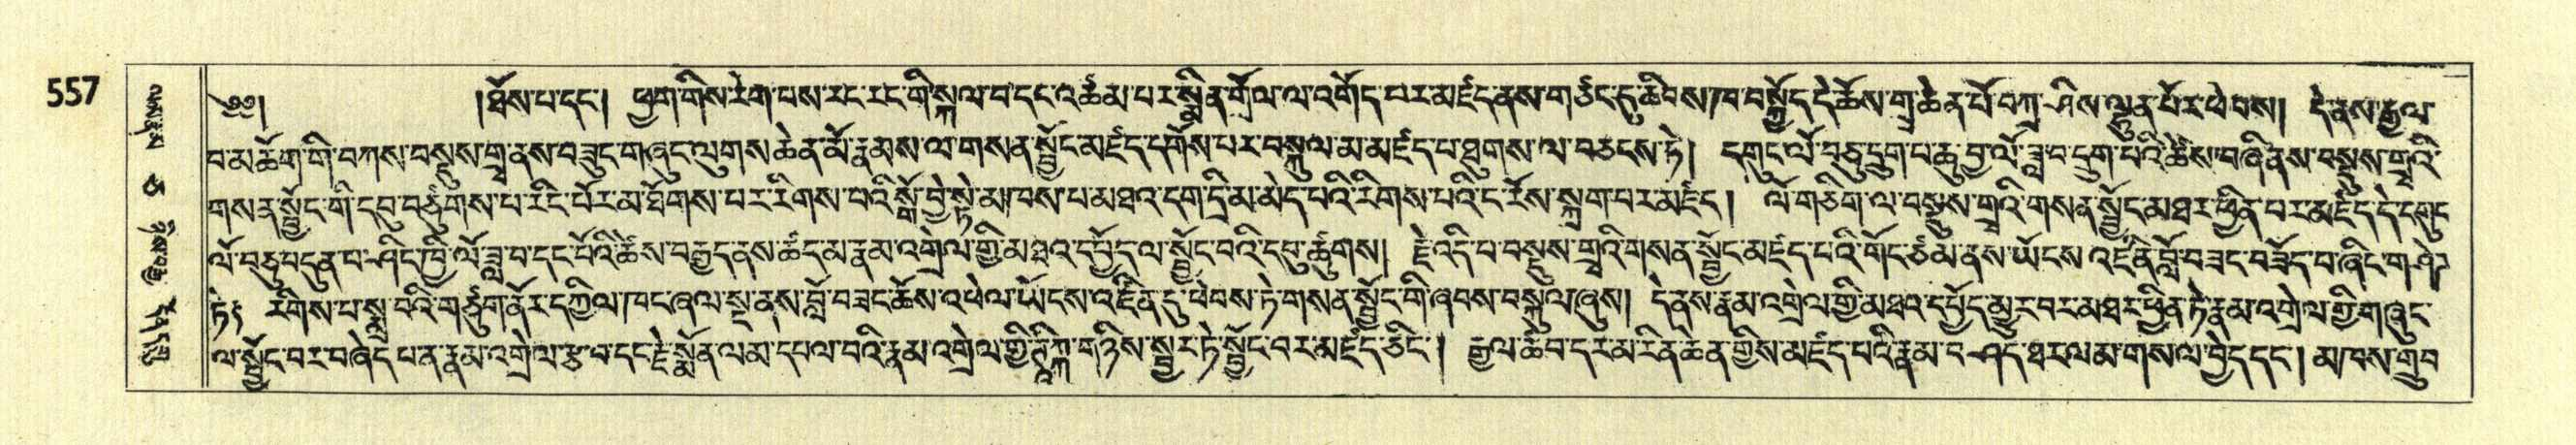༄༅། །ཐོས་པ་དང་། ཕྱག་གིས་རེག་པས་རང་རང་གི་སྐལ་བ་དང་འཚམ་པར་སྨིན་གྲོལ་ལ་འགོད་པར་མཛད་ནས་གཙང་དུ་ཆིབས་ཁ་བསྐྱོད་དེ་ཆོས་གྲྭ་ཆེན་པོ་བཀྲ་ཤིས་ལྷུན་པོར་ཕེབས། དེ་ནས་རྒྱལ་
བ་མཆོག་གི་བཀས་བསྡུས་གྲྭ་ནས་བཟུང་གཞུང་ལུགས་ཆེན་མོ་རྣམས་ལ་གསན་སྦྱོང་མཛད་དགོས་པར་བསྐུལ་མ་མཛད་པ་ཐུགས་ལ་བཅངས་ཏེ། དགུང་ལོ་བཅུ་དྲུག་པ་ཆུ་བྱ་ལོ་ཟླ་བ་དྲུག་པའི་ཚེས་བཞི་ནས་བསྡུས་གྲྭའི་
གསན་སྦྱོང་གི་དབུ་བཙུགས་པ་རིང་པོར་མ་ཐོགས་པར་རིགས་པའི་སྒོ་བྱེ་སྟེ་མཁས་པ་མཐའ་དག་དྲི་མ་མེད་པའི་རིགས་པའི་ང་རོས་སྐྲག་པར་མཛད། ལོ་གཅིག་ལ་བསྡུས་གྲྭའི་གསན་སྦྱོང་མཐར་ཕྱིན་པར་མཛད་དེ་དགུང་
ལོ་བཅུ་བདུན་པ་ཤིང་ཁྱི་ལོ་ཟླ་བ་དང་པོའི་ཚེས་བརྒྱད་ནས་ཚད་མ་རྣམ་འགྲེལ་གྱི་མཐའ་དཔྱོད་ལ་སྦྱོང་བའི་དབུ་ཚུགས། རྗེ་འདི་པ་བསྡུས་གྲྭའི་གསན་སྦྱོང་མཛད་པའི་གོང་ཙམ་ནས་ཡོངས་འཛིན་བློ་བཟང་བཟོད་པ་ཞིང་གཤེགས་
ཏེ༑ རིགས་པ་སྨྲ་བའི་གཙུག་ནོར་དཀྱིལ་ཁང་ཞལ་སྔ་ནས་བློ་བཟང་ཆོས་འཕེལ་ཡོངས་འཛིན་དུ་ཕེབས་ཏེ་གསན་སྦྱོང་གི་ཞབས་བསྐུལ་ཞུས། དེ་ནས་རྣམ་འགྲེལ་གྱི་མཐའ་དཔྱོད་མྱུར་བར་མཐར་ཕྱིན་ཏེ་རྣམ་འགྲེལ་གྱི་གཞུང་
ལ་སྦྱོང་བར་བཞེད་པ་ན་རྣམ་འགྲེལ་རྩ་བ་དང་རྗེ་སྨོན་ལམ་དཔལ་བའི་རྣམ་འགྲེལ་གྱི་ཊཱིཀྐ་གཉིས་སྦྱར་ཏེ་སྦྱོང་བར་མཛད་ཅིང་། རྒྱལ་ཚབ་དར་མ་རིན་ཆེན་གྱིས་མཛད་པའི་རྣམ་བཤད་ཐར་ལམ་གསལ་བྱེད་དང་། མཁས་གྲུབ་